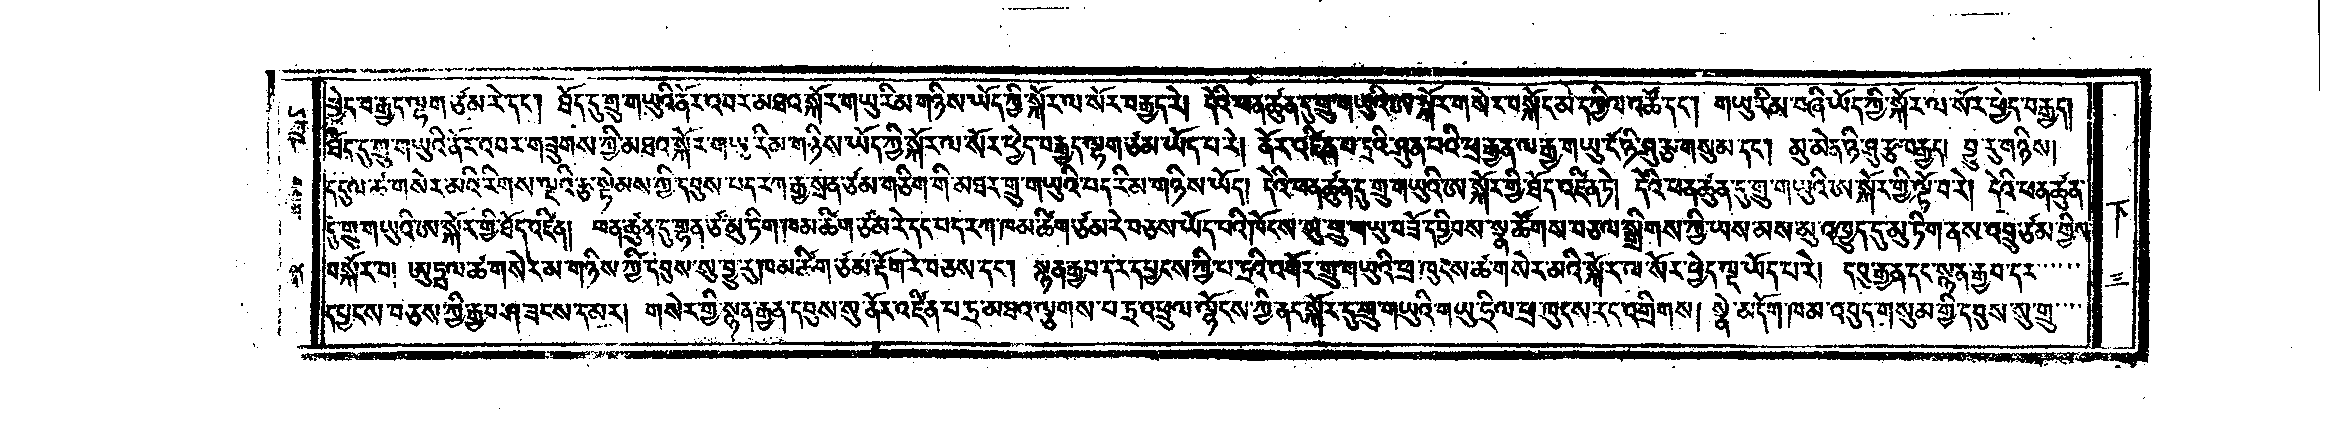ཕྱེད་བརྒྱད་ལྷག་ཙམ་རེ་དང་། ཐོང?་དུ་གྲུ་གཡུའི་ནོར་འབར་མཐའ་སྐོར་གཡུ་རིམ་གཉིས་ཡོད་ཀྱི་སྐོར་ལ་སོར་བརྒྱད་རེ། དེའི་ཕན་ཚུན་དུ་གྲུ་གཡུའི་ཨ་སྐོར་གསེར་བསྐོང་མ་དཀྱིལ་འཚོ་དང་། གཡུ་རིམ་བཞི་ཡོད་ཀྱི་སྐོར་ལ་སོར་ཕྱེད་བརྒྱད།
ཐོད་དུ་གྲུ་གཡུའི་ནོར་འབར་གཟུགས་ཀྱི་མཐའ་སྐོར་གཡུ་རིམ་གཉིས་ཡོད་ཀྱི་སྐོར་ལ་སོར་ཕྱེད་བརྒྱད་ལྷག་ཙམ་ཡོད་པ་རེ། ནོར་འཛིན་པ་ཏྲའི་ཤུན་པའི་ཕྲ་རྒྱན་ལ་རྒྱ་གཡུ་ངོ་ཉི་ཤུ་རྩ་གསུམ་དང་། མུ་མེན་ཉི་ཤུ་རྩ་བརྒྱད། བྱུ་རུ་གཉིས།
དངུལ་ཚ་གསེར་མའི་རིགས་ལྔའི་རྩ་སྟེམས་ཀྱི་དབུས་པད་རཀ་རྒྱ་སྲན་ཙམ་གཅིག་གི་མཐར་གྲུ་གཡུའི་བད་རིམ་གཉིས་ཡོད། དེའི་ཕན་ཚུན་དུ་གྲུ་གཡུའི་ཨ་སྐོར་གྱི་ཐོད་འཛིན་ཏེ། དེའི་ཕན་ཚུན་དུ་གྲུ་གཡུའི་ཨ་སྐོར་གྱི་ལྟོ་བ་རེ། དེའི་ཕན་ཚུན་
དུ་གྲུ་གཡུའི་ཨ་སྐོར་གྱི་ཐོད་འཛིན། ཕན་ཚུན་དུ་གྷན་ཙ་མུ་ཏིག་ཁམ་ཚིག་ཙམ་རེ་དང་བད་རཀ་ཁམ་ཚིག་ཙམ་རེ་བཅས་ཡོད་པའི་ཁོངས་སུ་གྲུ་གཡུ་བཟོ་དབྱིབས་སྣ་ཚོགས་བཅལ་སྒྲིགས་ཀྱི་ཡས་མས་མུ་འཁྱུད་དུ་མུ་ཏིག་ནས་འབྲུ་ཙམ་གྱིས་
བསྐོར་བ། ཨུཏྤལ་ཚ་གསེར་མ་གཉིས་ཀྱི་དབུས་སུ་བྱུ་རུ་ཁམ་ཚིག་ཙམ་རྡོག་རེ་བཅས་དང་། སྙན་རྒྱབ་དར་དཔྱངས་ཀྱི་པ་ཏྲའི་འགོར་གྲུ་གཡུའི་ཕྲ་ཁུངས་ཚ་གསེར་མའི་སྐོར་ལ་སོར་ཕྱེད་ལྔ་ཡོད་པ་རེ། དབུ་རྒྱན་དང་སྙན་རྒྱབ་དར་
དཔྱངས་བཅས་ཀྱི་རྒྱབ་ཤ་ཟངས་དམར། གསེར་གྱི་སྙན་རྒྱན་དབུས་སུ་ནོར་འཛིན་པ་ཏྲ་མཐའ་ལྕགས་པ་ཏྲ་འཕྲུལ་ལྷོངས་ཀྱི་ནང་སྐོར་དུ་གྲུ་གཡུའི་གཡུ་ཧྲིལ་ཕྲ་ཁུངས་རང་འགྲིགས། སྣེ་མདོག་ཁམ་འབུད་གསུམ་གྱི་དབུས་སུ་གྲུ་